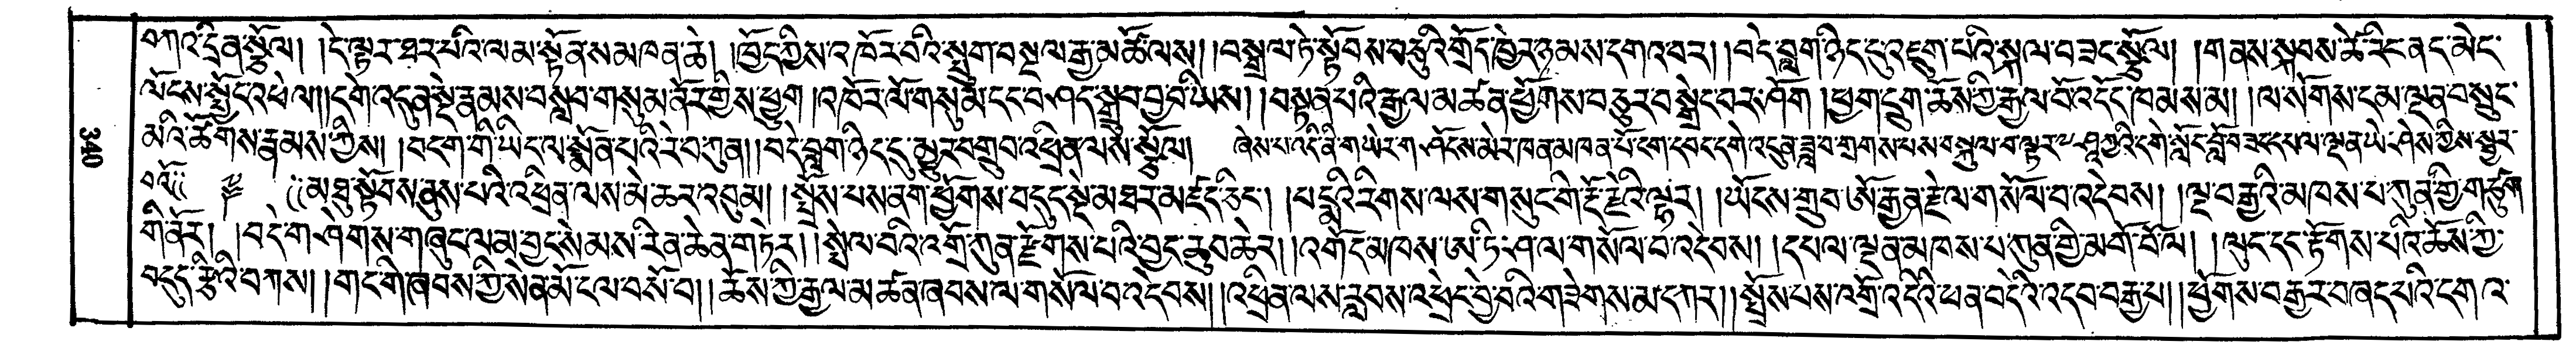བཀའ་དྲིན་སྩོལ། །ད་ལྟར་ཐར་པའི་ལམ་སྟོན་ས་མཁན་ཆེ། །ཁྱོད་ཀྱིས་འཁོར་བའི་སྡུག་བསྔལ་རྒྱ་མཚོ་ལས། །བསྒྲལ་ཏེ་སྟོབས་བཅུའི་གྲོང་ཁྱེར་ཉམས་དགའ་བར། །བདེ་བླག་ཉིད་དུ་འཇུག་པའི་སྐལ་བཟང་སྩོལ། །གནས་སྐབས་ཚེ་རིང་ནད་མེད་
ལོངས་སྤྱོད་འཕེལ། །དགེ་འདུན་སྡེ་རྣམས་བསླབ་གསུམ་ནོར་གྱིས་ཕྱུག །འཁོར་ལོ་གསུམ་དང་བཤད་སྒྲུབ་བྱ་བ་ཡིས། །བསྟན་པའི་རྒྱལ་མཚན་ཕྱོགས་བཅུར་བསྒྲེང་བར་ཤོག །ཕྱག་དྲུག་ཆོས་ཀྱི་རྒྱལ་བོ་འདོད་ཁམས་མ། །ལ་སོགས་དམ་ལྡན་བསྲུང་
མའི་ཚོགས་རྣམས་ཀྱིས། །བདག་གི་ཡིད་ལ་སྨོན་པའི་རེ་བ་ཀུན། །བདེ་བླག་ཉིད་དུ་མྱུར་འགྲུབ་འཕྲིན་ལས་སྩོལ། ཞེས་པ་འདི་ནི་གཡེར་གཤོངས་མེར་ཁན་མཁན་པོ་ངག་དབང་དགེ་འདུན་ཟླ་བ་གྲགས་པས་བསྐུལ་བ་ལྟར ༧ཤཱཀྱའི་དགེ་སློང་བློ་བཟང་དཔལ་ལྡན་ཡེ་ཤེས་ཀྱིས་སྦྱར་
བའོ།། ༈ །།མཐུ་སྟོབས་ནུས་པའི་འཕྲིན་ལས་མེ་ཆར་འབུམ། །སྦྲོས་པས་ནག་ཕྱོགས་བདུད་སྡེ་མཐར་མཛད་ཅིང་། །པདམའི་རིགས་ལས་གསུང་གི་རྡོ་རྗེའི་ལྷར། །ཡོངས་གྲུབ་ཨོ་རྒྱན་རྗེ་ལ་གསོལ་བ་འདེབས། །ལྔ་བརྒྱའི་མཁས་པ་ཀུན་གྱི་གཙུག་
གི་ནོར། །བདེ་གཤེགས་གཞུང་ལམ་བྱང་སེམས་རིན་ཆེན་གཏེར། །སྤེལ་བའི་འགྲོ་ཀུན་རྫོགས་པའི་བྱང་ཆུབ་ཆེར། །འགོད་མཁས་ཨ་ཏི་ཤ་ལ་གསོལ་བ་འདེབས། །དཔལ་ལྡན་མཁས་པ་ཀུན་གྱི་མགོ་བོ་ལ། །ལུང་དང་རྟོགས་པའི་ཆོས་ཀྱི་
བདུད་རྩིའི་བཀས། །གང་གི་ཞབས་ཀྱི་སེན་མོ་དལ་བསོ་བ། །ཆོས་ཀྱི་རྒྱལ་མཚན་ཞབས་ལ་གསོལ་བ་འདེབས། །འཕྲིན་ལས་རླབས་འཕྲེང་བྱེ་བའི་གཟེགས་མ་དཀར། །སྦྲོས་པས་འགྲོ་འདིའི་ཕན་དེའི་འདབ་བརྒྱ་བ། །ཕྱོགས་བརྒྱར་བཞད་པའི་དགའ་